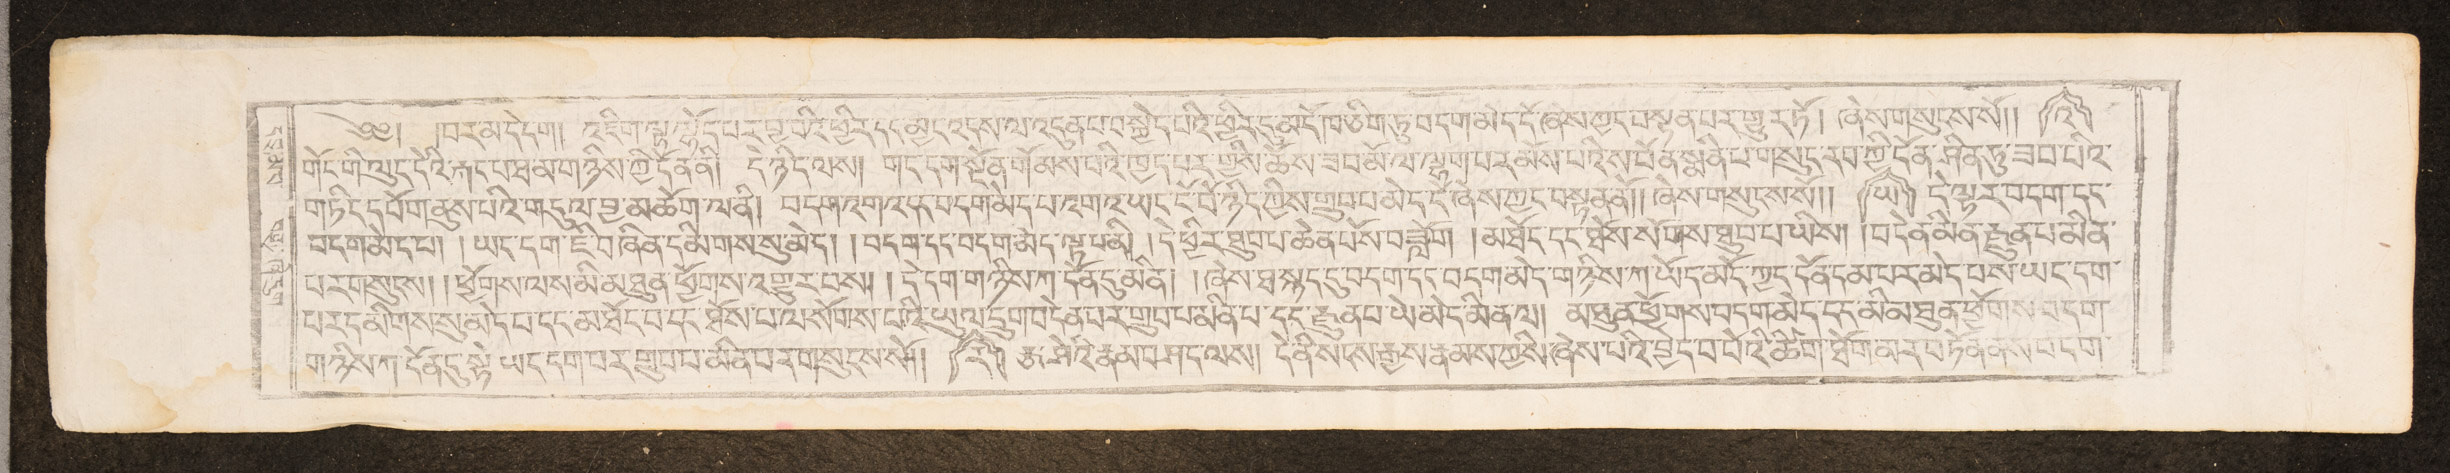༄༅། །བར་མ་དེ་དག། འཇིག་ལྷ་ལྷོད་པར་བྱ་བའི་ཕྱིར་དང་མྱང་འདས་ལ་འདུན་པ་བསྐྱེད་པའི་ཕྱིར་དུ་མདོ་ཁ་ཅིག་ཏུ་བདག་མེད་དོ་ཞེས་ཀྱང་བསྟན་པར་གྱུར་ཏོ། ཞེས་གསུངས་སོ།། ༼༽འ༼༽
གོང་གི་ལུང་དེའི་རྐང་པ་ཐ་མ་གཉིས་ཀྱི་དོན་ནི། དེ་ཉིད་ལས། གང་དག་སྔོན་གོམས་པའི་ཁྱད་པར་གྱིས་ཆོས་ཟབ་མོ་ལ་ལྷག་པར་མོས་པའི་ས་བོན་སྨིན་པ་གསུང་རབ་ཀྱི་དོན་ཤིན་ཏུ་ཟབ་པའི་
གཏིང་དཔོག་ནུས་པའི་གདུལ་བྱ་མཆོག་ལ་ནི། བདག་འགའ་དང་པ་བདག་མེད་པ་འགའ་ཡང་ངོ་བོ་ཉིད་ཀྱིས་གྲུབ་པ་མེད་དོ་ཞེས་ཀྱང་བསྟན་ནོ།། ཞེས་གསུངས་སོ།། ༼༽ཡ༼༽ དེ་ལྟར་བདག་དང་
བདག་མེད་པ། །ཡང་དག་ཇི་བཞིན་དམིགས་སུ་མེད། །བདག་དང་བདག་མེད་ལྟ་བ་ནི། །དེ་ཕྱིར་ཐུབ་པ་ཆེན་པོས་བཟློག། །མཐོང་དང་ཐོས་སོགས་ཐུབ་པ་ཡིས། །བདེན་མིན་རྒྱུན་པ་མིན་
པར་གསུངས། །ཕྱོགས་ལས་མི་མཐུན་ཕྱོགས་འགྱུར་བས། །དེ་དག་གཉིས་ཀ་དོན་དུ་མིན། །ཞེས་ཐ་སྙད་དུ་བདག་དང་བདག་མེད་གཉིས་ཀ་ཡོད་མོད་ཀྱང་དོན་དམ་པར་མེད་པས་ཡང་དག་
པར་དམིགས་སུ་མེད་པ་དང་མཐོང་བ་དང་ཐོས་པ་ལ་སོགས་པའི་ཡུལ་དྲུག་བདེན་པར་གྲུབ་པ་མིན་པ་དང་རྫུན་པ་ཡེ་མེད་མིན་ལ། མཐུན་ཕྱོགས་བདག་མེད་དང་མི་མཐུན་ཕྱོགས་བདག་
གཉིས་ཀ་དོན་དུ་སྟེ་ཡང་དག་པར་གྲུབ་པ་མིན་པར་གསུངས་སོ།། ༼༽ར༼༽ རྩ་ཤེའི་རྣམ་བཤད་ལས། དེ་ནི་སངས་རྒྱས་རྣམས་ཀྱིས་ཞེས་པའི་བྱེད་པ་པོའི་ཚིག་ཐོག་མར་བཏོན་ནས་བདག་